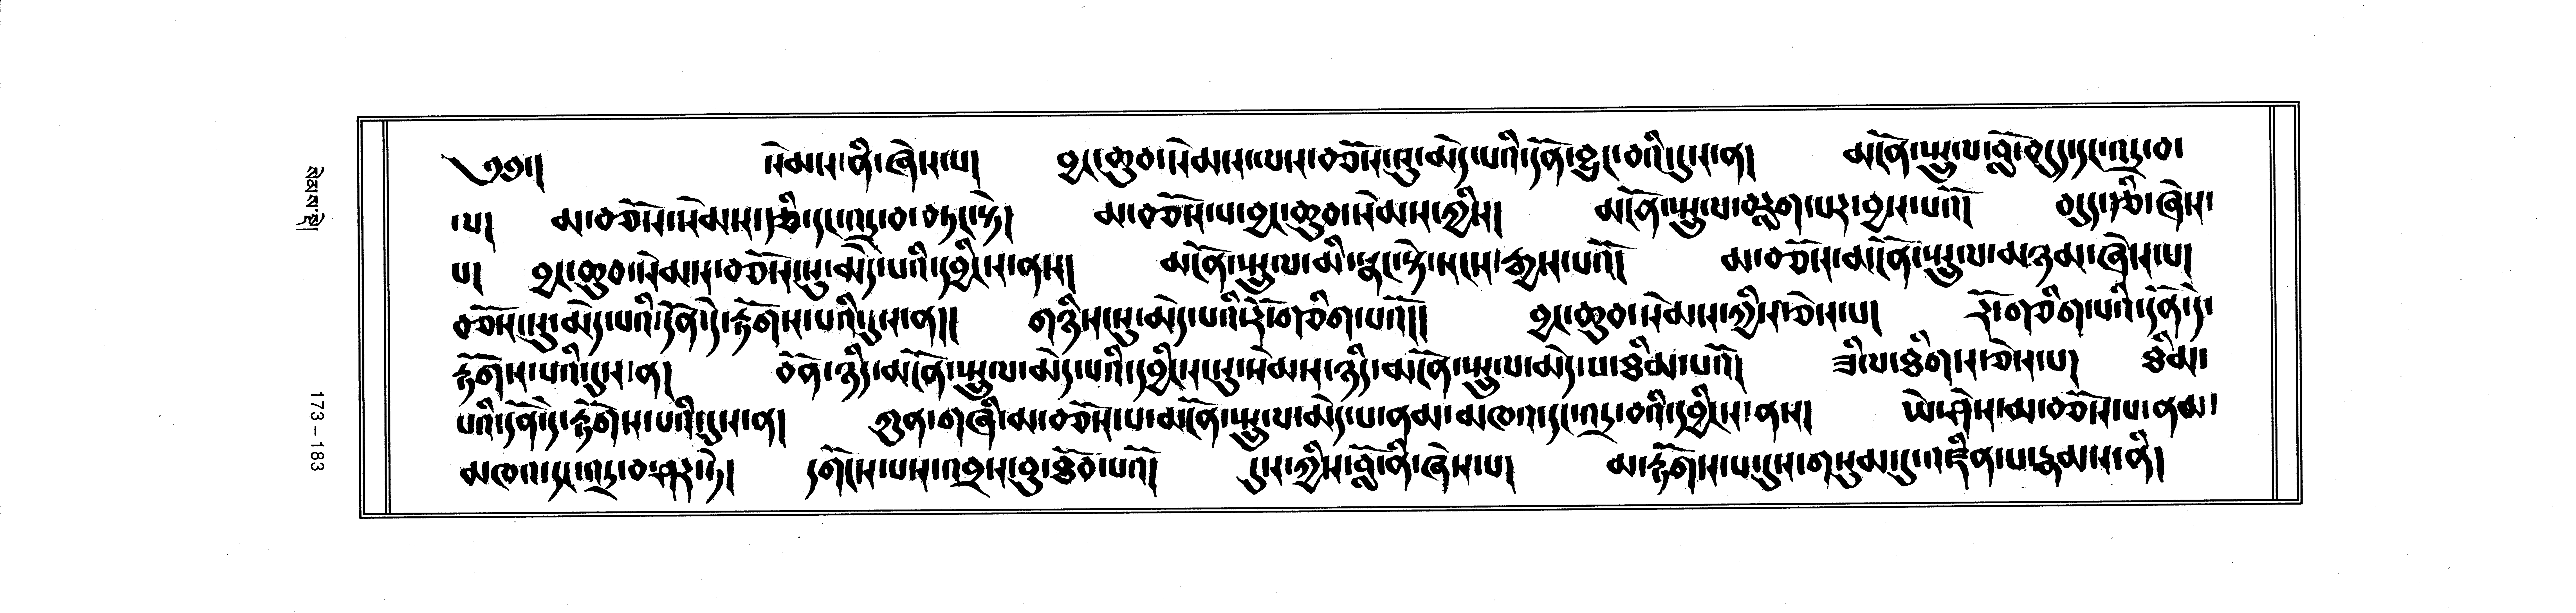སེམས་ནི་ཞེས་པ། བྱང་ཆུབ་ཀྱི་སེམས་ལས་བཅོས་སུ་མེད་པའི་དོན་བྱུང་བའི་དུས་ན། མངོན་སྤྲུལ་བློ་བདུད་དང་འདྲ་བ་
ལ། མ་བཅོས་སེམས་རྩི་དང་འདྲ་བ་བཏང་སྟེ། མ་བཅོས་པ་བྱང་ཆུབ་སེམས་ཀྱིས། མངོན་སྤྲུལ་བརླག་པར་བྱས་པའོ། །བདུད་རྩི་ཞེས་
པ་བྱང་ཆུབ་སེམས་བཅོས་སུ་མེད་པའི་དོན་དེ་རྟོགས་པའི་དུས་ན། གཉིས་སུ་མེད་པའི་རོ་གཅིག་པའོ། བྱང་ཆུབ་ཀྱི་སེམས་ཅེས་པ། རོ་གཅིག་པའི་དོན་དེ་
རྟོགས་པའི་དུས་ན། བོན་ཉིད་མངོན་སྤྲུལ་མེད་པའི་དབྱིངས་སུ་སེམས་ཉིད་མངོན་སྤྲུལ་མེད་པ་ཐིམ་པའོ། །ཟིལ་ཐིགས་ཅེས་པ། ཐིམ་
པའི་དོན་དེ་རྟོགས་པའི་དུས་ན། ཀུན་གཞི་མ་བཅོས་པ་མངོན་སྤྲུལ་མེད་པ་ནམ་མཁའ་དང་འདྲ་བའི་དབྱིངས་ནས། ཡེ་ཤེས་མ་བཅོས་པ་ནམ་
མཁའ་དང་འདྲ་བ་ཤར་ཏེ་དགོངས་པ་དང་འབྲས་བུ་ཐོབ་པའོ། །དུས་ཀྱི་བློ་ནི་ཞེས་པ། མ་རྟོགས་པ་དུས་གསུམ་དུ་འཛིན་པ་རྣམས་ནི།